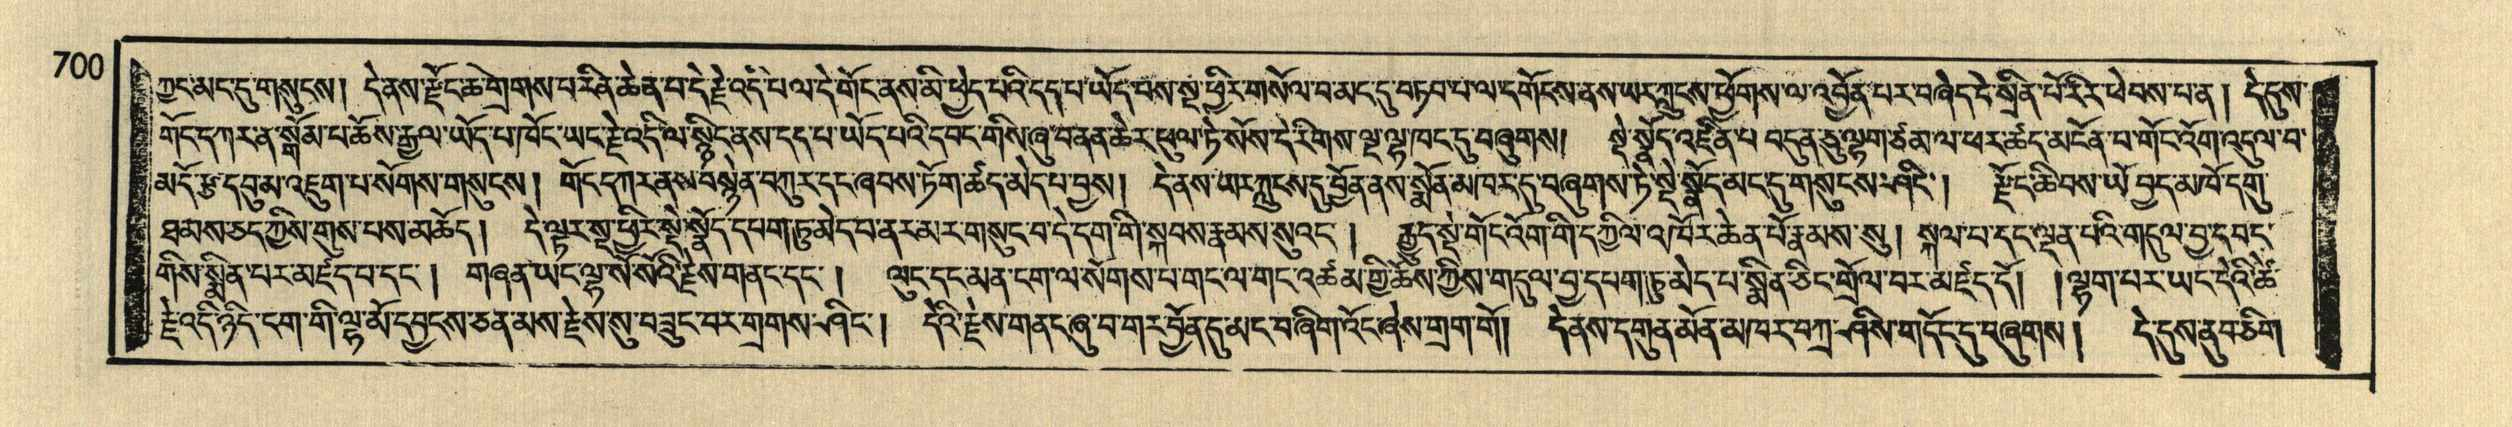ཀྱང་མང་དུ་གསུངས། དེ་ནས་རྫོང་ཆེ་གྲགས་པ་རིན་ཆེན་པ་དེ་རྗེ་འདི་པ་ལ་དེ་གོང་ནས་མི་ཕྱེད་པའི་དད་པ་ཡོད་པས་སྔ་ཕྱིར་གསོལ་བ་མང་དུ་བཏབ་པ་ལ་དགོངས་ནས་ཡར་ཀླུངས་ཕྱོགས་ལ་འབྱོན་པར་བཞེད་དེ་སྲིན་པོ་རིར་ཕེབས་པ་ན། དེ་དུས་
གོང་དཀར་ན་སྒོམ་པ་ཆོས་རྒྱལ་ཡོད་པ་ཁོང་ཡང་རྗེ་འདི་ལ་སྙིང་ནས་དད་པ་ཡོད་པའི་དབང་གིས་ཞུ་བ་ནན་ཆེར་ཕུལ་ཏེ་སོས་དེ་རིགས་ལྔ་ལྷ་ཁང་དུ་བཞུགས། སྡེ་སྣོད་འཛིན་པ་བདུན་ཅུ་ལྷག་ཙམ་ལ་ཕར་ཚད་མངོན་པ་གོང་འོག་འདུལ་བ་
མདོ་རྩ་དབུ་མ་འཇུག་པ་སོགས་གསུངས། གོང་དཀར་ནས་བསྙེན་བཀུར་སྡེ་གོང་འོག་གི་དཀྱིལ་འཁོར་ཆེན་པོ་རྣམས་སུ། སྐལ་བ་དང་སྨོན་མཁར་དུ་བཞུགས་ཏེ་སྡེ་སྣོད་མང་དུ་གསུངས་ཤིང་། རྫོང་ཆིབས་ཡོ་བྱད་མཁོ་དགུ་
ཐམས་ཅད་ཀྱིས་གུས་པས་མཆོད། དེ་ལྟར་སྔ་ཕྱིར་སྡེ་སྣོད་དཔག་ཏུ་མེད་པ་ནར་མར་གསུང་བ་དེ་དག་གི་སྐབས་རྣམས་སུའང་། རྒྱུད་སྡེ་གོང་འོག་གི་དཀྱིལ་འཁོར་ཆེན་པོ་རྣམས་སུ། སྐལ་པ་དང་ལྡན་པའི་གདུལ་བྱ་དབང་
གིས་སྨིན་པར་མཛད་པ་དང་། གཞན་ཡང་ལྷ་སོ་སོའི་རྗེས་གནང་དང་། ལུང་དང་མན་ངག་ལ་སོགས་པ་གང་ལ་གང་འཚམ་གྱི་ཆོས་ཀྱིས་གདུལ་བྱ་དཔག་ཏུ་མེད་པ་སྨིན་ཅིང་གྲོལ་བར་མཛད་དོ། །ལྷག་པར་ཡང་དེའི་ཚེ་
རྗེ་འདི་ཉིད་ངག་གི་ལྷ་མོ་དབྱངས་ཅན་མས་རྗེས་སུ་བཟུང་བར་གྲགས་ཤིང་། དེའི་རྗེས་གནང་ཞུ་བ་གར་བྱོན་དུ་མང་བ་ཞིག་འོང་ཞེས་གྲག་གོ། དེ་ནས་དགུན་མོན་མཁར་བཀྲ་ཤིས་གདོང་དུ་བཞུགས། དེ་དུས་ནུབ་ཅིག་